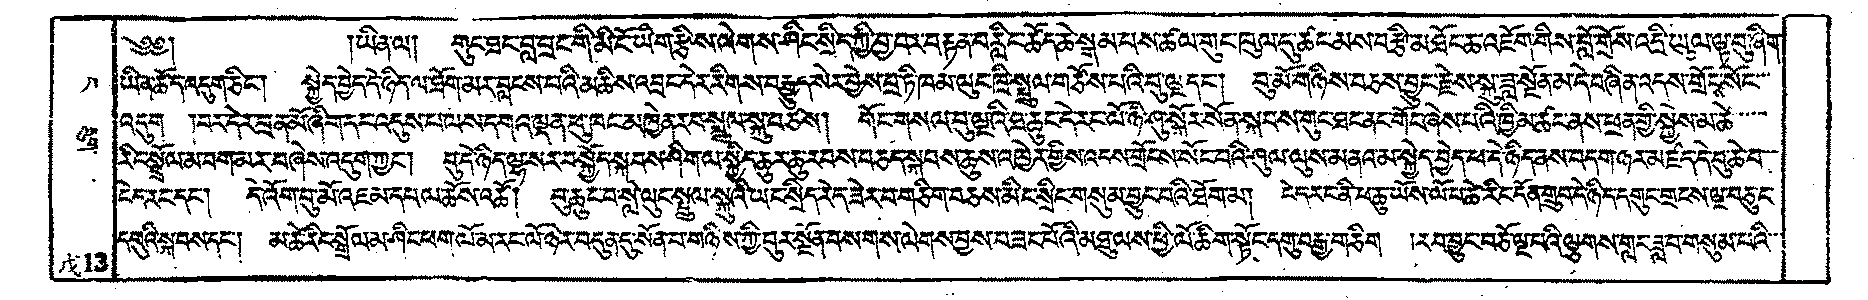༄༅། །ཡིན་ལ། གུང་ཐང་བླ་བྲང་གི་མི་ངོ་ཡིག་རྩིས་ལེགས་ཤིང་སྲིད་ཀྱི་བྱ་བར་བརྟན་བརླིང་ཚོད་ཆེ་སྒམ་པས་ཚལ་གུང་ཁུལ་དུ་ཚང་མས་བརྩི་མཐོང་ཆ་འཇོག་གིས་བློ་གྲོས་འདྲི་ཡུལ་ལྟ་བུ་ཞིག་
ཡིན་ཚོད་འདུག་ཅིང་། སྐྱེད་བྱེད་དེ་ཉིད་ལ་ཐོག་མར་བླངས་པའི་མཆིས་འབྲང་དེར་རིགས་བརྒྱུད་སེར་བྱེས་བྲ་ཏི་ཁམ་ལུང་ཁྲི་སྤྲུལ་གཙོས་པའི་བུ་ལྔ་དང་། བུ་མོ་གཉིས་བཅས་བྱུང་རྗེས་སྐུ་ཟླ་སྔོན་མ་དེ་བཞིན་འདས་གྲོངས་སོང་
འདུག །བར་དེར་བྲན་མོ་ཞིག་དང་འདུས་པ་ལས་དགའ་ལྡན་ཕུ་ཁང་མཁྱེན་རབ་སྤྲུལ་སྐུ་བཙས། གོང་གསལ་བུ་ལྔའི་ཐ་ཆུང་དེ་རང་ལོ་ཉི་ཤུ་སྐོར་སོན་སྐབས་གུང་ཐང་ནང་གོང་ཞེས་པའི་ཁྱིམ་ཚང་ནས་ཕྲན་གྱི་སྐྱེས་མ་ཚེ་
རིང་སྒྲོལ་མ་བག་མར་བཞེས་འདུག་ཀྱང་། བུ་དེ་ཉིད་ལྷ་སར་བསྐྱོད་སྐབས་ཤིག་ལ་སྐྱིད་ཆུར་ཆུ་རབས་བཅད་སྐབས་ཆུས་འཁྱེར་གྱིས་འདས་གྲོངས་སོང་བའི་ཤུལ་ལུས་མནའ་མ་སྐྱེད་བྱེད་ཕ་དེ་ཉིད་ནས་བདག་ཉར་མཛད་དེ་བུ་ཆེ་བ་
ངེད་རང་དང་། དེ་འོག་བུ་མོ་འཇམ་དཔལ་ཆོས་འཚོ། བུ་ཆུང་བ་སླེ་ལུང་སྤྲུལ་སྐུའི་ཡང་སྲིད་རེད་ཟེར་བ་གཅིག་བཅས་མིང་སྲིང་གསུམ་བྱུང་བའི་ཐོག་མ། ངེད་རང་ནི་ཕ་ཆུ་ཡོས་ལོ་པ་ཚེ་རིང་དོན་གྲུབ་དེ་ཉིད་དགུང་གྲངས་ལྔ་བཅུ་ང་
དགུའི་སྐབས་དང་། མ་ཚེ་རིང་སྒྲོལ་མ་ཤིང་ཕག་ལོ་མ་རང་ལོ་ཉེར་བདུན་དུ་སོན་པ་གཉིས་ཀྱི་བུར་སྔོན་བསགས་ལེགས་བྱས་བཟང་པོའི་མཐུ་ལས་ཕྱི་ལོ་ཆིག་སྟོང་དགུ་བརྒྱ་གཅིག །རབ་བྱུང་བཅོ་ལྔ་པའི་ལྕགས་གླང་ཟླ་བ་གསུམ་པའི་